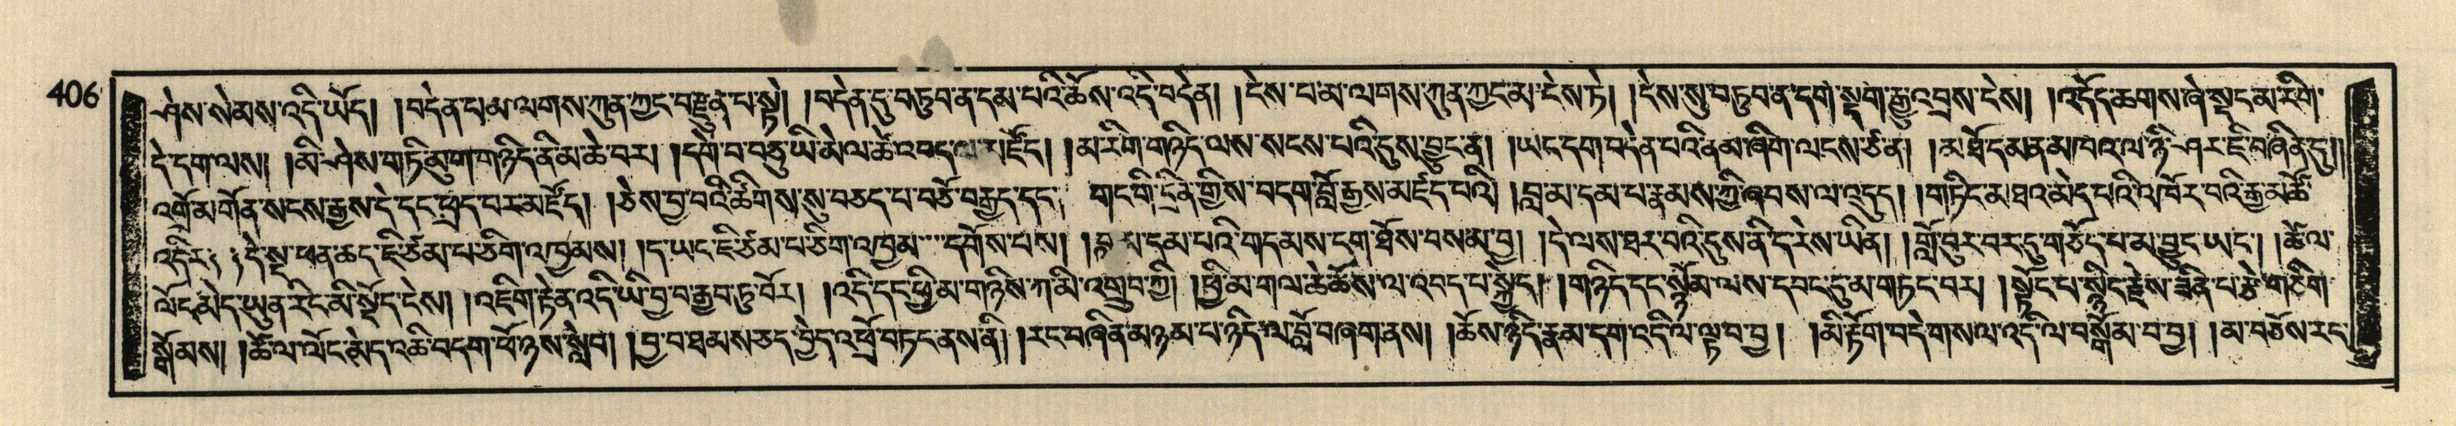ཤེས་སེམས་འདི་ཡོད། །བདེན་པ་མ་ལགས་ཀུན་ཀྱང་བརྫུན་པ་སྟེ། །བདེན་དུ་བཏུབ་ན་དམ་པའི་ཆོས་འདི་བདེན། །ངེས་པ་མ་ལགས་ཀུན་ཀྱང་མ་ངེས་ཏེ། །ངེས་སུ་བཏུབ་ན་དགེ་སྡིག་རྒྱུ་འབྲས་ངེས། །འདོད་ཆགས་ཞེ་སྡང་མ་རིག་
དེ་དག་ལས། །མི་ཤེས་གཏི་མུག་གཉིད་ནི་མ་ཆེ་བར། །དགེ་བ་བཅུ་ཡི་མེལ་ཚེ་འབད་ལ་མཛོད། །མ་རིག་གཉིད་ལས་སངས་པའི་དུས་བྱུང་ན། །ཡང་དག་བདེན་པའི་ནམ་ཞིག་ལངས་ཙ་ན། །མཐོ་དམན་མཁའ་ལ་ཉི་ཤར་ཇི་བཞིན་དུ།།
འགྲོ་མགོན་སངས་རྒྱས་དེ་དང་ཕྲད་པར་མཛོད། །ཅེས་བྱ་བའི་ཚིགས་སུ་བཅད་པ་བཅོ་བརྒྱད་དང་། གང་གི་དྲིན་གྱིས་བདག་བློ་རྒྱས་མཛད་པའི། །བླ་མ་དམ་པ་རྣམས་ཀྱི་ཞབས་ལ་འདུད། །གཏིང་མཐའ་མེད་པའི་འཁོར་བའི་རྒྱ་མཚོ་
འདིར༑ ༑དེ་སྔ་ཕན་ཆད་ཇི་ཙམ་པ་ཅིག་འཁྱམས། །ད་ཡང་ཇི་ཙམ་པ་ཅིག་འཁྱམ་དགོས་པས། །བླ་མ་དམ་པའི་གདམས་ངག་ཐོས་བསམ་བྱ། །དེ་ལས་ཐར་བའི་དུས་ནི་ད་རེས་ཡིན། །གློ་བུར་བར་དུ་གཅོད་པ་མ་བྱུང་ཡང་། །ཚེ་ལ་
ལོང་མེད་ཡུན་རིང་མི་སྡོད་ངེས། །འཇིག་རྟེན་འདི་ཡི་བྱ་བ་རྒྱབ་ཏུ་བོར། །འདི་དང་ཕྱི་མ་གཉིས་ཀ་མི་འགྲུབ་ཀྱི། །ཕྱི་མ་གལ་ཆེ་ཆོས་ལ་འབད་པ་སྐྱེད། །གཉིད་དང་སྙོམ་ལས་དབང་དུ་མ་གཏང་བར། །སྟོང་པ་སྙིང་རྗེས་ཟིན་པ་རྩེ་གཅིག་
སྒོམས། །ཚེ་ལ་ལོང་མེད་འཆི་བདག་ཕོ་ཉས་སླེབ། །བྱ་བ་ཐམས་ཅད་བྱེད་འཕྲོ་བཏང་ནས་ནི། །རང་བཞིན་མཉམ་པ་ཉིད་ལ་བློ་བཞག་ནས། །ཆོས་ཉིད་རྣམ་དག་འདི་ལ་ལྟ་བ་བྱ། །མི་རྟོག་བདེ་གསལ་འདི་ལ་བསྒོམ་བ་བྱ། །མ་བཅོས་རང་